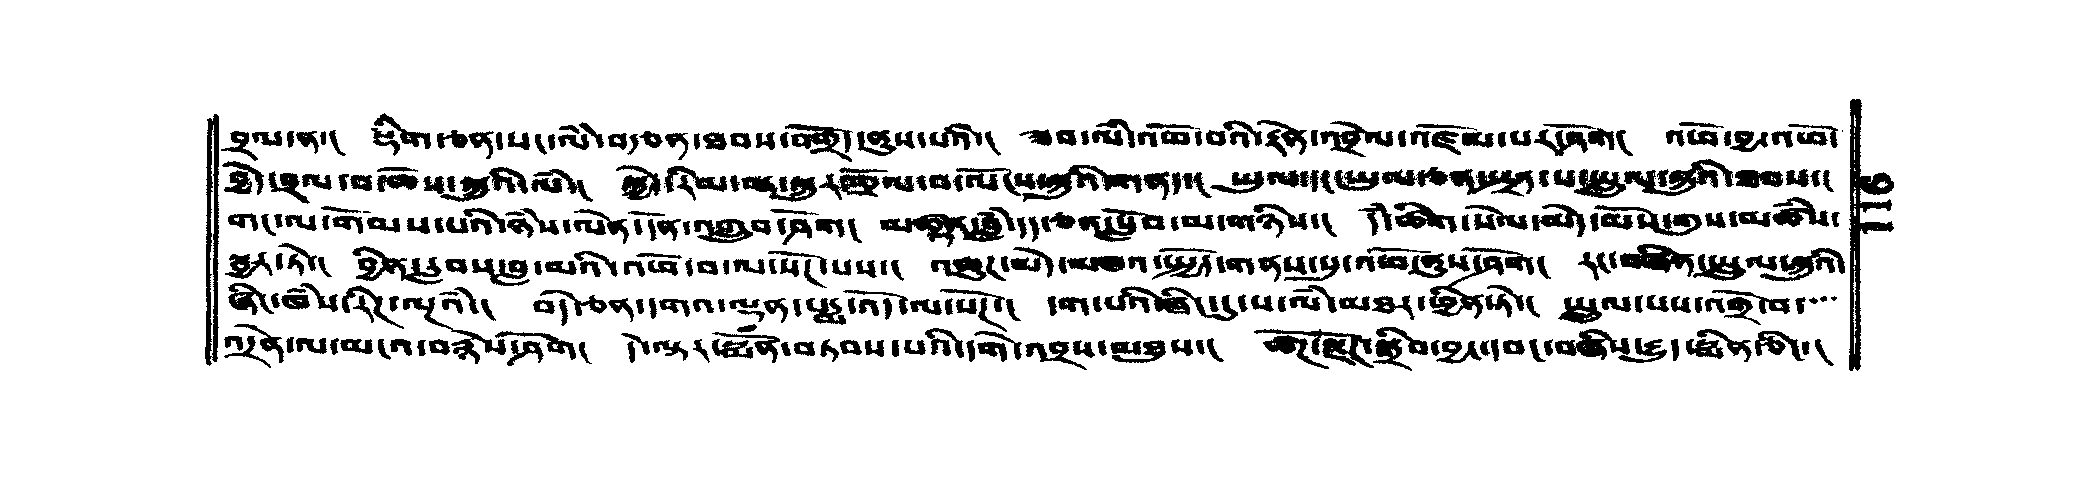བྲལ་ན། །སྡིག་ཅན་གསང་ལམ་བཙན་ཐབས་བགྲོད་ནུས་པའི། །ཟབ་ལམ་འཕོ་བའི་རྟེན་འབྲེལ་འཛོམ་པར་ཤོག །འཕོ་བྱ་འཕོ་
བྱེད་བྲལ་བ་ཆོས་སྐུའི་ལམ། །བསྐྱེད་རིམ་ལྷ་སྐུར་གྲོལ་བ་ལོངས་སྐུའི་གནས། །ཡུལ་དང་ཡུལ་ཅན་སྤྲད་པ་སྤྲུལ་སྐུའི་ཐབས། །
གང་ལ་གོམས་པའི་ཉམས་ལེན་དོན་འགྲུབ་ཤོག །མཚན་ལྡན་བླ་མ་དད་ཅན་སློབ་མ་གཉིས། །དམ་ཚིག་སེལ་མེད་མོས་གུས་མཚམས་
སྦྱར་ཏེ། །བྱིན་རླབས་བླ་མའི་འཕོ་བ་ལ་སོགས་པས། །འཆུགས་མེད་མཁའ་སྤྱོད་གནས་སུ་འཕོ་ནུས་ཤོག །རང་བཞིན་སྤྲུལ་སྐུའི་
ཞིང་ཁམས་རིགས་ལྔའམ། །བདེ་ཅན་དགའ་ལྡན་པདྨ་འོད་ལ་སོགས། །དག་པའི་ཞིང་དུ་ས་ལམ་མཐར་ཕྱིན་ཏེ། །སྤྲུལ་པས་འགྲོ་བ་
འདྲེན་ལ་མངའ་བརྙེས་ཤོག།དེ་ལྟར་སྨོན་ལམ་བཏབས་པའི་དགེ་འབྲས་མཐུས། །ཚོགས་རྫོགས་སྒྲིབ་བྱང་དབང་བཞིས་རྒྱུད་སྨིན་ཅིང་།